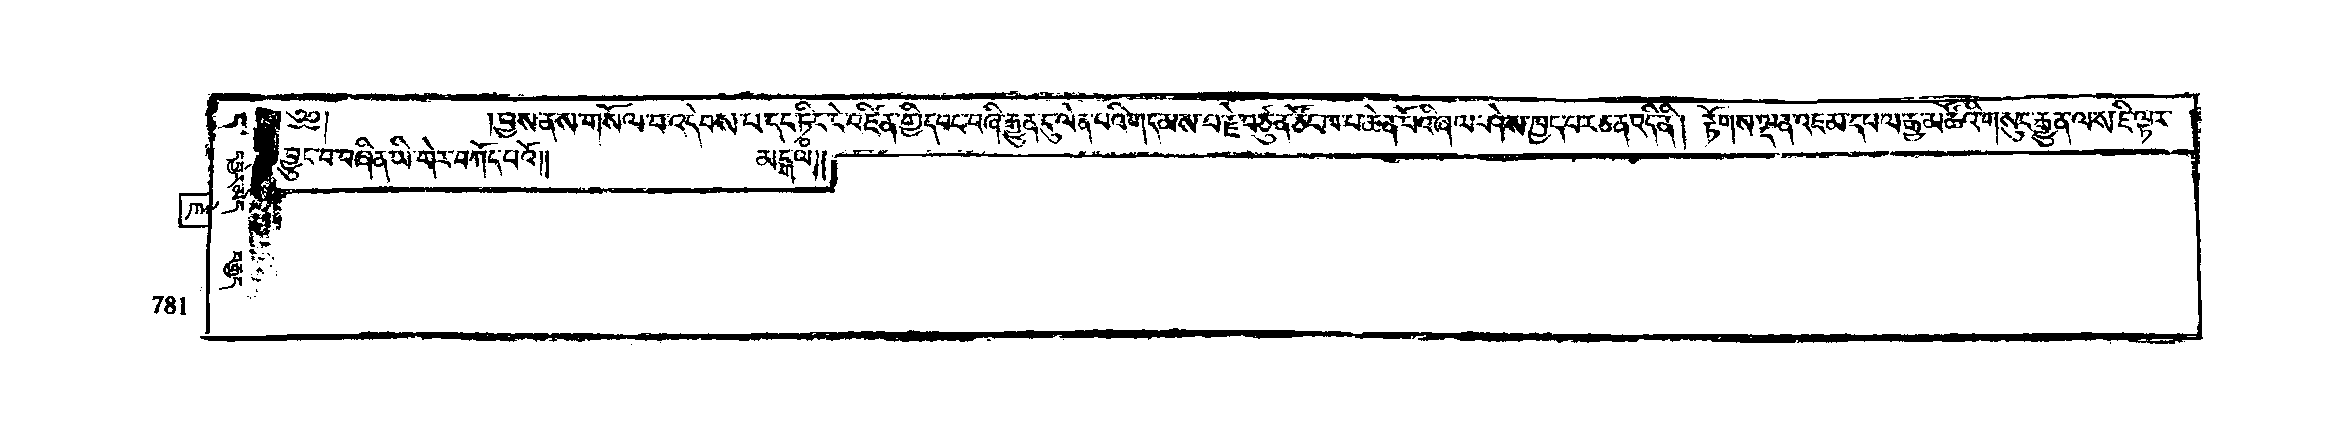༄༅། །བྱས་ནས་གསོལ་བ་འདེབས་པ་དང་ཏིང་ངེ་འཛིན་གྱི་དབང་བཞི་རྒྱུན་དུ་ལེན་པའི་གདམས་པ་རྗེ་བཙུན་ཙོང་ཁ་པ་ཆེན་པོའི་ཞལ་ཤེས་ཁྱད་པར་ཅན་འདི་ནི། རྟོགས་ལྡན་འཇམ་དཔལ་རྒྱ་མཚོའི་གསུང་རྒྱུན་ལས་ཇི་ལྟར་
བྱུང་བ་བཞིན་ཡི་གེར་བཀོད་པའོ།། མངྒ་ལཾ།།